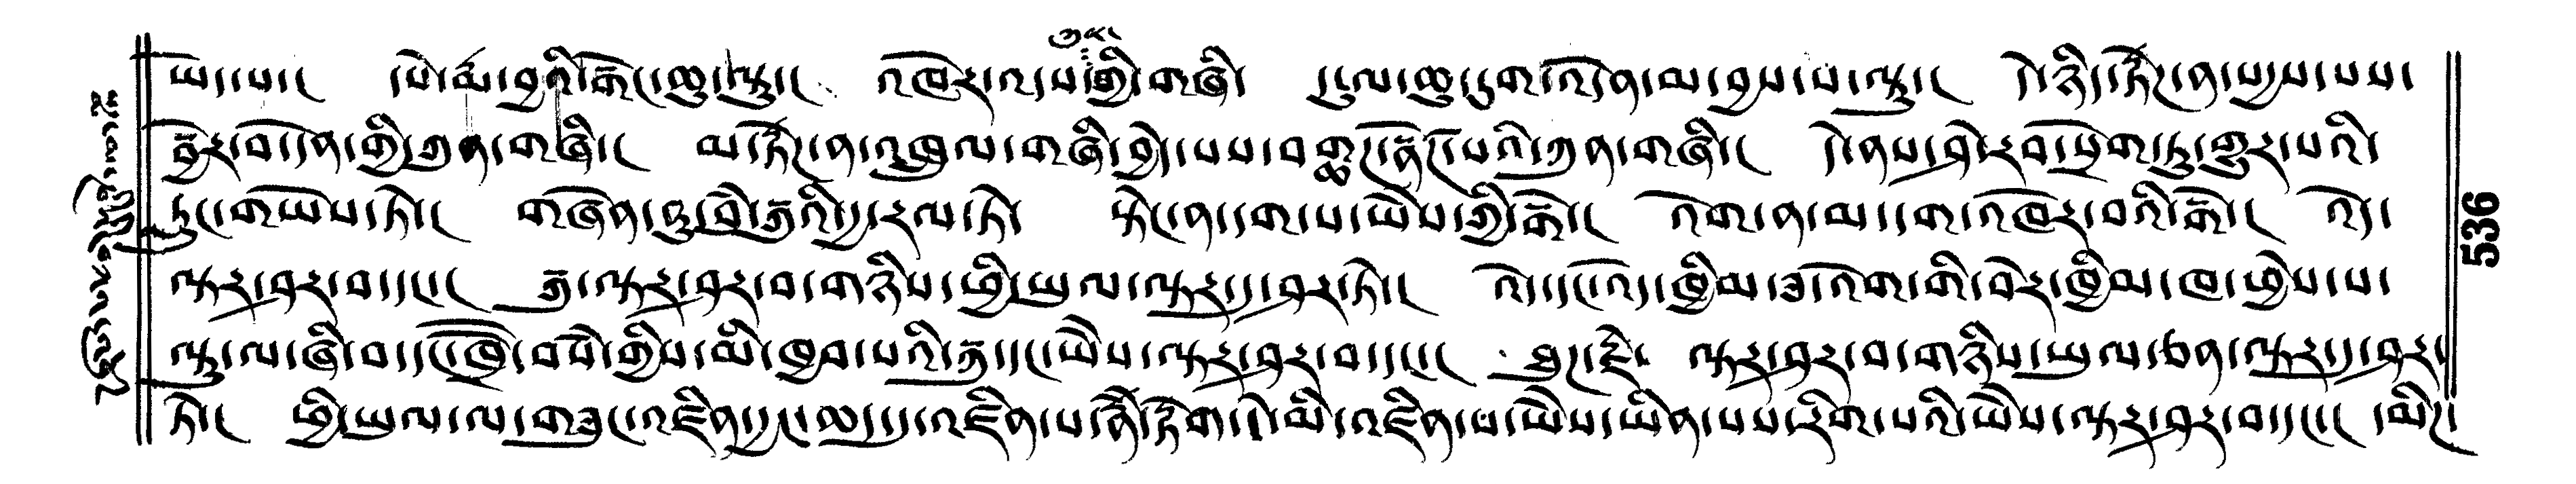ཡོད་པ། དཔེ་རྨ་བྱའི་སྒོང་ཆུ་ལྟ་བུ། འཁོར་འདས་ཀུན་གྱི་གཞི། དངུལ་ཆུ་དུག་འདོན་མ་བྱས་པ་ལྟ་བུ། དེ་ཉིད་རྟོགས་ན་སངས་རྒྱས་པས་
སྦྱོར་བ་དོན་གྱི་ཀུན་གཞི། མ་རྟོགས་ན་འཁྲུལ་གཞི་བྱེད་པས་བག་ཆགས་སྣ་ཚོགས་པའི་ཀུན་གཞི། དེ་ནས་ཤེས་རབ་སྲོག་ཏུ་གྱུར་པའི་
རླུང་གཡོས་པས། གཞོན་ནུ་བུམ་སྐུའི་རྒྱ་རལ་ཏེ། སྟེང་ན་དག་པ་ཡེ་ཤེས་ཀྱི་སྒོ། འོག་ན་མ་དག་འཁོར་བའི་སྒོ། འོད་
ལྟར་ཤར་བ་དང་། སྐུ་ལྟར་ཤར་བ་གཉིས་ཕྱི་ཡུལ་ལྟར་དུ་ཤར་ཏེ། འོད་དང་འོད་ཁྱིམ་ཟ་འོག་གི་བེར་ཁྱིམ་ཁ་ཕྱེས་པ་
ལྟ་བུ་ལ་ཞི་བ་དང་ཁྲོ་བོ་བསམ་གྱིས་མི་ཁྱབ་པའི་སྐུ་དང་ཡེ་ཤེས་ལྟར་ཤར་བ་དང་། ཐུགས་རྗེ་ལྟར་ཤར་བ་གཉིས་ཡུལ་ཅན་ལྟར་དུ་ཤར་
ཏེ། ཕྱི་ཡུལ་ལ་གཟུང་འཛིན་རྒྱང་ཆད་དུ་འཛིན་པའི་རྣམ་རྟོག་ལྟར་མི་འཛིན་པར་ཡེ་ཤེས་ཡིན་པས་རིག་པའི་ཡེ་ཤེས་ལྟར་ཤར་བ་དང་། དམིགས་